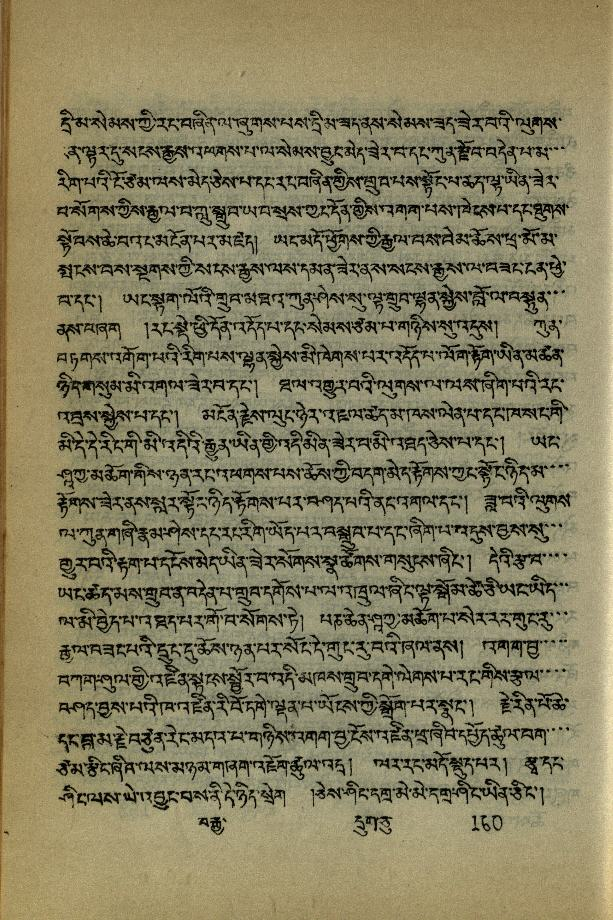དྲི་མ་སེམས་ཀྱི་རང་བཞིན་ལ་ཞུགས་པས་དྲི་མ་ཟད་ནས་སེམས་ཟད་ཟེར་བའི་ལུགས་
ཞ་ལྟར་དུ་སངས་རྒྱས་འཕགས་པ་ལ་སེམས་བྱུང་མེད་ཟེར་བ་དང་ཀུན་རྫོབ་བདེན་པ་མ་
རིག་པའི་ངོ་ཙམ་ལས་མེད་ཅེས་པ་དང་རང་བཞིན་གྱིས་གྲུབ་པས་སྟོང་པ་ཆད་ལྟ་ཡིན་ཟེར་
བ་སོགས་ཀྱིས་རྒྱལ་བ་ཀླུ་སྒྲུབ་ཡབ་སྲས་ཀྱང་དོན་གྱིས་འགག་པས་ཁེངས་པ་དང་ཐུགས་
སྟོབས་ཆེ་བའང་མངོན་པར་མཛད། ཡང་མདོ་ཕྱོགས་ཀྱི་རྒྱལ་བས་བེམ་ཆོས་ཕྲ་མོ་མ་
སྤངས་བས་སྔགས་ཀྱི་སངས་རྒྱས་ལས་དམན་ཟེར་ནས་སངས་རྒྱས་ལ་བཟང་ངན་ཕྱེ་
བ་དང་། ཡང་སྟག་ལོའི་གྲུབ་མཐའ་ཀུན་ཤེས་སུ་ལྟ་གྲུབ་ལྷན་སྐྱེས་བློ་ལ་བསྟུན་
ནས་བཞག །རང་སྡེ་ཕྱི་དོན་འདོད་པ་དང་སེམས་ཙམ་པ་གཉིས་སུ་འདུས། ཀུན་
བཏགས་འགོག་པའི་རིག་པས་ལྷན་སྐྱེས་མི་ཁེགས་པར་འདོད་པ་ལོག་རྟོག་ཡིན་མཚན་
ཉིད་གསུམ་མི་འགལ་ཟེར་བ་དང་། ཐལ་འགྱུར་བའི་ལུགས་ལ་ལས་ཞིག་པའི་རང་
འབྲས་སྐྱེས་པ་དང་། མངོན་རྗེས་ལུང་ཉེར་འཇལ་ཚད་མ་ཁས་ལེན་པ་དང་ཁ་སང་གི་
མི་དེ་དེ་རིང་གི་མི་འདིའི་རྒྱུན་ཡིན་གྱི་འདི་མིན་ཟེར་བ་མི་འཐད་ཅེས་པ་དང་། ཡང་
ཤཱཀྱ་མཆོག་གིས་ཉན་རང་འཕགས་པས་ཆོས་ཀྱི་བདག་མེད་རྟོགས་ཀྱང་སྟོང་ཉིད་མ་
རྟོགས་ཟེར་ནས་སླར་སྟོང་ཉིད་རྟོགས་པར་བཤད་པའི་ནང་འགལ་དང་། ཟླ་བའི་ལུགས་
ལ་ཀུན་གཞི་རྣམ་ཤེས་དང་རང་རིག་ཡོད་པར་བསྒྲུབ་པ་དང་ཞིག་པ་འདུས་བྱས་སུ་
གྱུར་བའི་རྟག་པ་དངོས་མེད་ཡིན་ཟེར་སོགས་སྣ་ཚོགས་གསུངས་ཞིང་། དེའི་རྩ་བ་
ཡང་ཚད་མས་གྲུབ་ན་བདེན་པ་གྲུབ་དགོས་པ་ལ་འཁྲུལ་ཞིང་ལྟ་སྒོམ་ཚེ་ཅི་ཡང་ཡིད་
ལ་མི་བྱེད་པ་འཐད་པར་གོ་བ་སོགས་ཏེ། པཎ་ཆེན་ཤཱཀྱ་མཆོག་པ་སེར་རར་གུང་རུ་
རྒྱལ་བཟང་པའི་དྲུང་དུ་ཆོས་ཉན་པར་སོང་དེ་གུང་རུ་བའི་ཞལ་ནས། འགག་བྱ་
བགག་ཤུལ་གྱི་འཛིན་སྟངས་སྦྱོར་བ་འདི་མཁས་གྲུབ་དགེ་ལེགས་པ་རང་གིས་རྩལ་
བཤད་བྱས་པའི་ཁ་འཛིན་རི་བོ་དགེ་ལྡན་པ་ཡོངས་ཀྱི་སྒྲོག་པར་སྣང་། རྗེ་རིན་པོ་ཆེ་
དང་བླ་མ་རྗེ་བཙུན་རེང་མདའ་པ་གཉིས་འགག་བྱ་ངོས་འཛིན་ཕྲ་ཞིབ་དཔྱོད་ཚུལ་བག་
ཙམ་རྩིང་ཞིབ་ལས་མཉམ་གཞག་འཇོག་ཚུལ་འདྲ། ལར་རང་མདོ་སྡུད་པར། རྩྭ་དང་
ཤིང་ལས་ཡེ་འབྱུང་བས་ནི་དེ་ཉིད་སྲེག །ཅེས་ཤིང་དགྲ་མེ་མེ་དགྲ་ཤིང་ཡིན་ཅིང་།